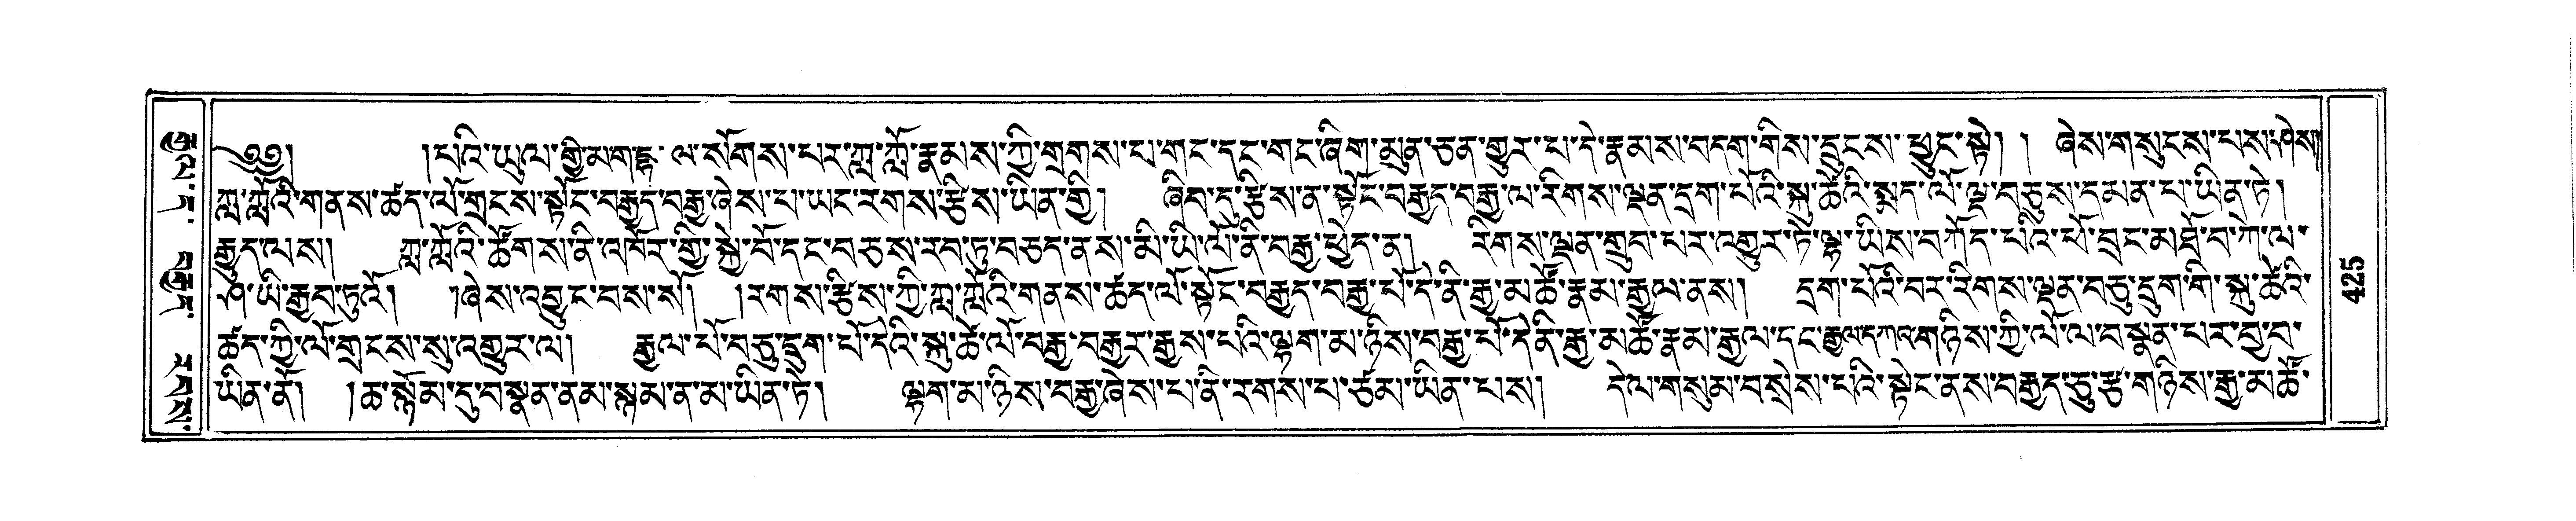༄༅། །པའི་ཡུལ་གྱི་མ་ག་དྷ་ལ་སོགས་པར་ཀླ་ཀློ་རྣམས་ཀྱི་གྲགས་པ་གང་དང་གང་ཞིག་མུན་ཅན་གྱུར་པ་དེ་རྣམས་བདག་གིས་དྲུངས་ཕྱུང་སྟེ། །ཞེས་གསུངས་པས་ཤེས།
ཀླ་ཀློའི་གནས་ཚད་ལོ་གྲངས་སྟོང་བརྒྱད་བརྒྱ་ཞེས་པ་ཡང་རགས་རྩིས་ཡིན་གྱི། ཞིབ་དུ་རྩིས་ན་སྟོང་བརྒྱད་བརྒྱ་ལ་རིགས་ལྡན་དྲག་པོའི་སྐུ་ཚེའི་སྨད་ལོ་ལྔ་བཅུས་དམན་པ་ཡིན་ཏེ།
རྒྱུད་ལས། ཀླ་ཀློའི་ཚོགས་ནི་འཁོར་གྱི་སྐྱེ་བོ་དང་བཅས་རབ་ཏུ་བཅད་ནས་མི་ཡི་ལོ་ནི་བརྒྱ་ཕྱེད་ན། རིགས་ལྡན་གྲུབ་པར་འགྱུར་ཏེ་ལྷ་ཡིས་བཀོད་པའི་ཕོ་བྲང་མཐོ་བ་ཀེ་ལ་
ཤ་ཡི་རྒྱབ་ཏུའོ། །ཞེས་འབྱུང་བས་སོ། །རགས་རྩིས་ཀྱི་ཀླ་ཀློའི་གནས་ཚད་ལོ་སྟོང་བརྒྱད་བརྒྱ་པོ་དེ་ནི་རྒྱ་མཚོ་རྣམ་རྒྱལ་ནས། དྲག་པོའི་བར་རིགས་ལྡན་བཅུ་དྲུག་གི་སྐུ་ཚེའི་
ཚད་ཀྱི་ལོ་གྲངས་སུ་འགྱུར་ལ། རྒྱལ་པོ་བཅུ་དྲུག་པོ་དེའི་སྐུ་ཚེ་ལོ་རྒྱ་བརྒྱར་རྒྱས་པའི་ལྷག་མ་ཉིས་བརྒྱ་པོ་དེ་ནི་རྒྱ་མཚོ་རྣམ་རྒྱལ་དང་རྒྱལ་དཀའ་གཉིས་ཀྱི་ལོ་ལ་བསྣན་པར་བྱ་བ་
ཡིན་ནོ། །ཆ་སྙོམ་དུ་བསྣན་ནམ་སྙམ་ན་མ་ཡིན་ཏེ། ལྷག་མ་ཉིས་བརྒྱ་ཞེས་པ་ནི་རགས་པ་ཙམ་ཡིན་པས། དེ་ལ་གསུམ་བསྲེས་པའི་སྟེང་ནས་བརྒྱད་ཅུ་རྩ་གཉིས་རྒྱ་མཚོ་